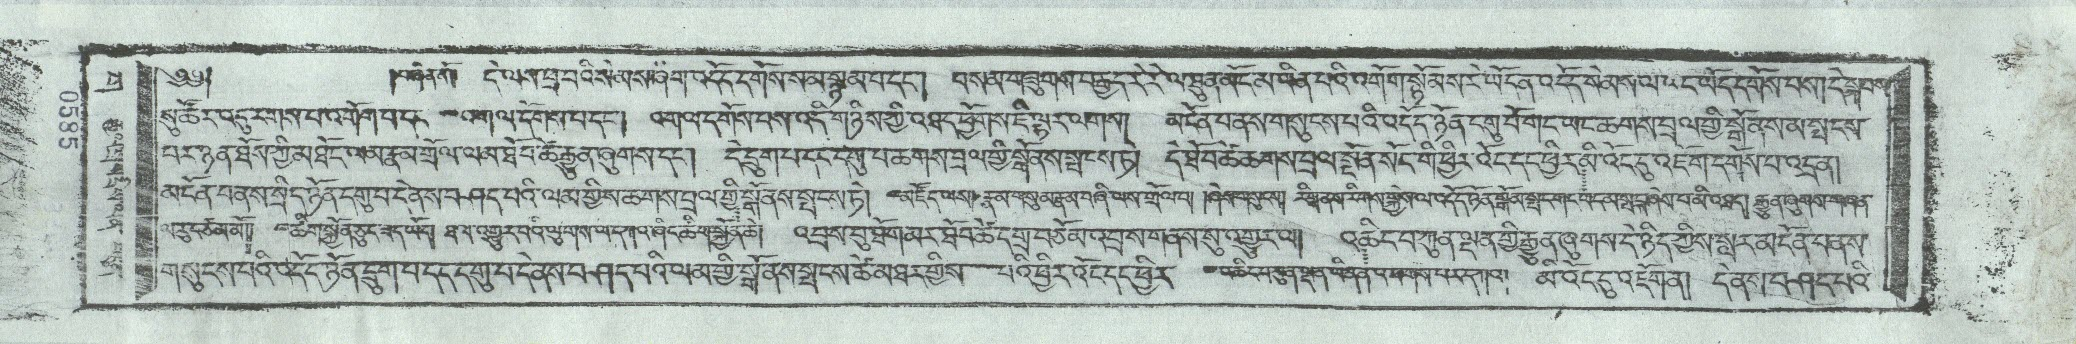༄༅། །བཞིན་ནོ།། དེ་ལས་ཕྲ་བའི་སེམས་ཞིག་འདོད་དགོས་སམ་སྙམ་པ་དང་། བསམ་གཟུགས་བརྒྱད་རེ་རེ་ལ་ཐུན་མོང་མ་ཡིན་པའི་འགོག་སྙོམས་རེ་ཡོད་ན་འདོད་སེམས་ལ་ཡང་ཡོད་དགོས་པས། དེ་སྐབས་
སུ་ཚོར་འདུ་རགས་པ་འགོག་པ་དང་འགལ་དོགས་པ་དང་། འགལ་དགོས་པས་འདི་གཉིས་ཀྱི་འཐད་ཕྱོགས་ཇི་ལྟར་ལགས། མངོན་པ་ནས་གསུངས་པའི་འདོད་ཉོན་དགུ་པོ་གང་ཡང་ཆགས་བྲལ་གྱི་སྒོ་ནས་མ་སྤངས་
པར་ཉན་ཐོས་ཀྱི་མཐོང་ལམ་རྣམ་གྲོལ་ལམ་ཐོབ་ཚེ་རྒྱུན་ཞུགས་དང་། དེ་དྲུག་པ་དང་དགུ་པ་ཆགས་བྲལ་གྱི་སྒོ་ནས་སྤངས་ཏེ། དེ་ཐོབ་ཚེ་ཆགས་བྲལ་སྔོན་སོང་གི་ཕྱིར་འོད་དང་ཕྱིར་མི་འོང་དུ་འཇོག་དགོས་པ་འདྲ་ན།
མངོན་པ་ནས་སྲིད་ཉོན་དགུ་པ་དེ་ནས་བཤད་པའི་ལམ་གྱིས་ཆགས་བྲལ་གྱི་སྒོ་ནས་སྤངས་ཏེ། ༧མཛོད་ལས། རྣམ་གསུམ་རྣམ་བཞི་ལས་གྲོལ་བ། །ཞེས་གསུངས། རིགས་ནས་རིགས་སྐྱེས་ལ་འདོད་ཉོན་སྒོམ་སྤང་གང་ཡང་མ་སྤངས་ཞེས་པ་མི་འཐད། རྒྱུན་ཞུགས་གཞན་
ལ་རུང་ཙམ་མོ།། ༧ཚིག་སྐྱོན་ཅུང་ཟད་ཡོད། ཐལ་འགྱུར་བའི་ལུགས་ལ་དཀའ་ཞིང་ཚིག་སྐྱོན་ཆེ། འབྲས་བུ་ཐོག་མར་ཐོབ་ཚེ་དགྲ་བཅོམ་འབྲས་གནས་སུ་འགྱུར་ལ། འཆིང་བ་ཀུན་ལྡན་གྱི་རྒྱུན་ཞུགས་དེ་ཉིད་ཀྱིས་སླར་མངོན་པ་ནས་
གསུངས་པའི་འདོད་ཉོན་དྲུག་པ་དང་དགུ་པ་དེ་ནས་བཤད་པའི་ལམ་གྱི་སྒོ་ནས་སྤངས་ཚེ་མཐར་གྱིས་པའི་ཕྱིར་འོད་དང་ཕྱིར་༧འཆིང་བ་ཀུན་ལྡན་ཡིན་ན་འཕགས་པར་དཀའ།  མི་འོང་དུ་འཇོག་ན། དེ་ནས་བཤད་པའི་